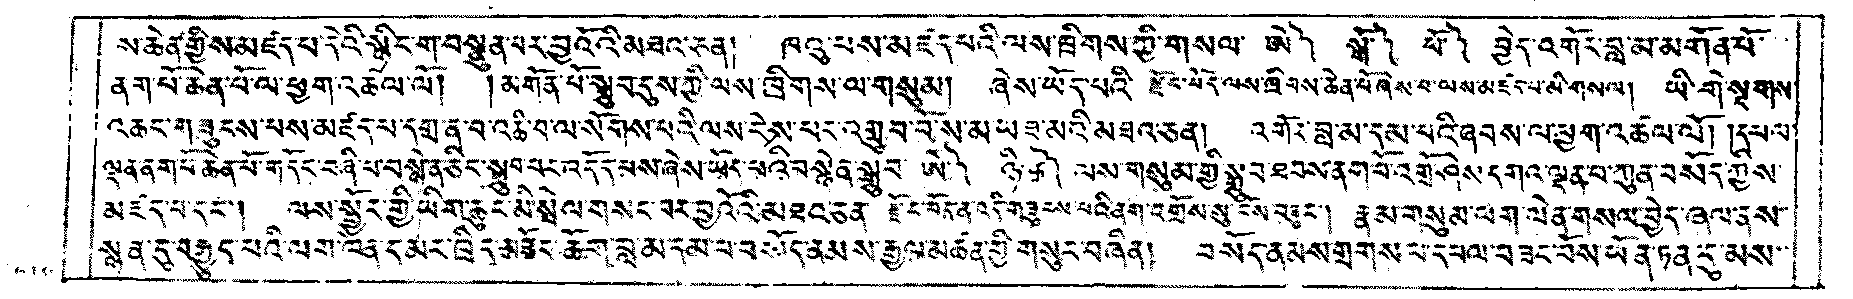ས་ཆེན་གྱིས་མཛད་པ་དེའི་སྙིང་ག་བསྣུན་པར་བྱའོའི་མཐའ་ཅན། ཁའུ་པས་མཛད་པའི་ལས་ཁྲིགས་ཀྱི་གསལ་ཨ྄ེ་སྒ྄ོ་ཕ྄ོ་བྱེད་འགོར་བླ་མ་མགོན་པོ་
ནག་པོ་ཆེན་པོ་ལ་ཕྱག་འཚལ་ལོ། །མགོན་པོ་སྒྲུབ་དུས་ཀྱི་ལས་ཁྲིགས་ལ་གསུམ། ཞེས་ཡོད་པའི་རྫོང་པོད་ལས་ཁྲིགས་ཆེན་པོ་ཞེས་པ་ལས་མཛད་པ་མི་གསལ།  ཡི་གེ་སྔགས་
འཆང་གཟུངས་པས་མཛད་པ་དགྲ་ན་བ་འཆི་བ་ལ་སོགས་པའི་ལས་ངེས་པར་འགྲུབ་བོ་ས་མ་ཡ་ཐ་མའི་མཐའ་ཅན། འགོར་བླ་མ་དམ་པའི་ཞབས་ལ་ཕྱག་འཚལ་ལོ། །དཔལ་
ལྡན་ནག་པོ་ཆེན་པོ་གདོང་བཞི་པ་བསྙེན་ཅིང་སྒྲུབ་པར་འདོད་པས་ཞེས་ཡོད་པའི་བསྙེན་སྒྲུབ་ཨ྄ེ་ཉི~྾?་ལས་གསུམ་གྱི་སྒྲུབ་ཐབས་ནག་པོ་འགྲོ་ཤེས་དགའ་ལྡན་པ་ཀུན་བསོད་ཀྱིས་
མཛད་པ་དང་། ལས་སྦྱོར་གྱི་ཡིག་ཆུང་མི་སྤེལ་གསང་བར་བྱའོའི་མཐའ་ཅན་རྫོང་པོད་ན་འདི་གཟུངས་པའི་ནག་འགྲོས་སུ་ངོས་བཟུང་།  རྣམ་གསུམ་ལག་ལེན་གསལ་བྱེད་ཞལ་ནས་
སྙན་དུ་བརྒྱུད་པའི་ལག་ལེན་དམར་ཁྲིད་མཐོང་ཆོག་བླ་མ་དམ་པ་བསོད་ནམས་རྒྱལ་མཚན་གྱི་གསུང་བཞིན། བསོད་ནམས་གྲགས་པ་དཔལ་བཟང་པོས་ཡོན་ཏན་དུ་མས་